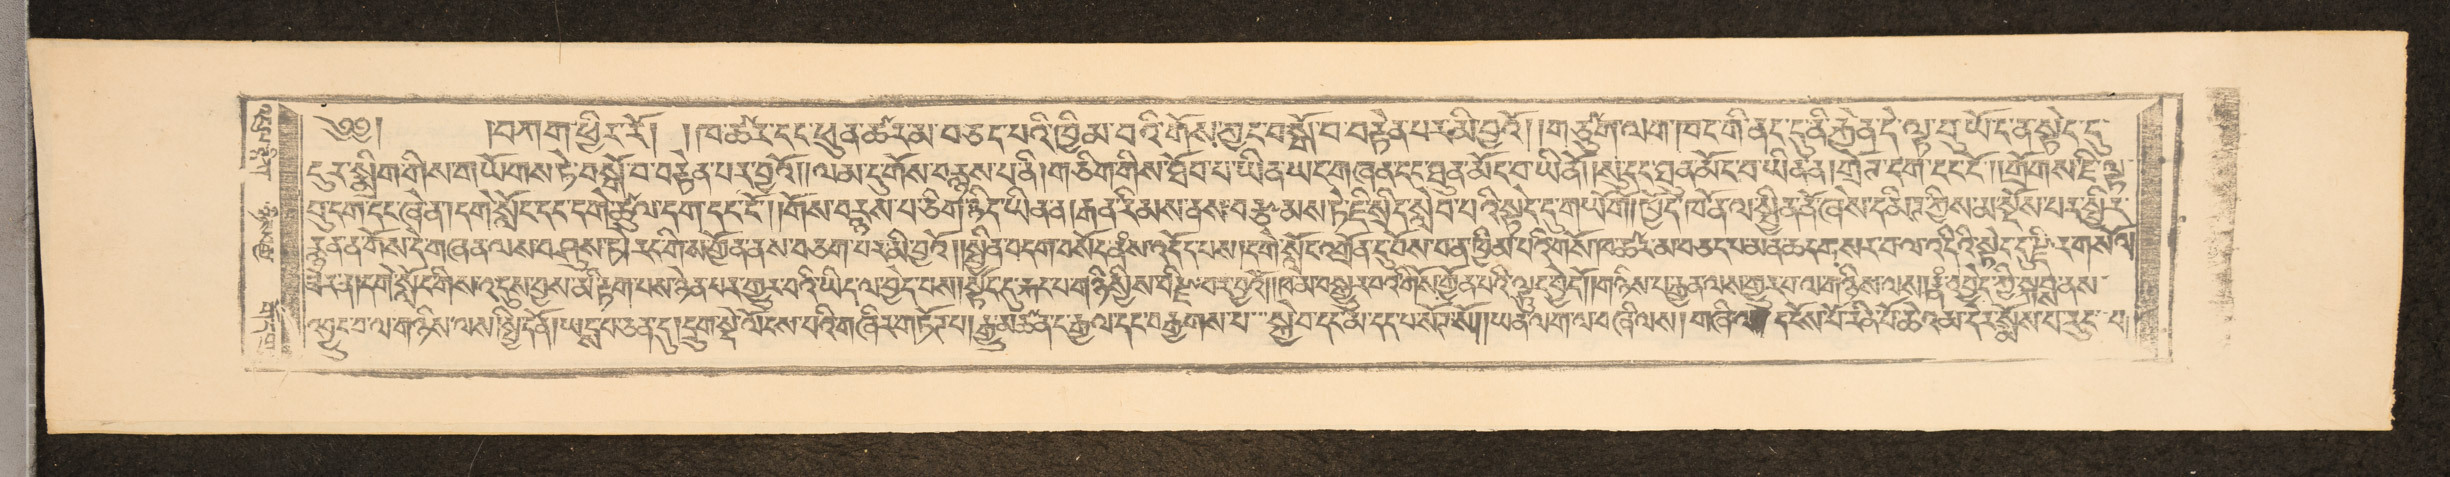༄༅། །བཀག་ཕྱིར་རོ། །ཁ་ཚར་དང་ཕུན་ཚར་མ་བཅད་པའི་ཁྱིམ་བའི་གོས་ཀྱང་བསྒོ་བ་བརྟེན་བར་མི་བྱའོ། །གཙུག་ལག་ཁང་གི་ནང་དུ་ནི་རྐྱེན་དེ་ལྟ་བུ་ཡོད་ན་སྟེང་དུ་ངུར་སྨྲིག་གིས་གཡོགས་ཏེ་བསྒོ་བ་བརྟེན་
བར་བྱའོ། །ལམ་དུ་གོས་བརྙས་པ་ནི། གཅིག་གིས་ཐོབ་པ་ཡིན་ཡང་གཞན་དང་ཐུན་མོང་བ་ཡིན་ནོ། །སུ་དང་ཐུན་མོང་བ་ཡིན་ན། གྲོགས་དག་དང་ངོ། །གྲོགས་ཇི་ལྟ་བུ་དག་དང་ཞེ་ན། དགེ་སློང་དང་དགེ་ཚུལ་དག་
དང་ངོ། །གོས་བརྙས་བ་ཅིག་ཉིད་ཡིན་ན། རྒན་རིམས་ནས་བརྩམས་ཏེ་ཇི་སྲིད་དུ་སླེབ་པའི་སྟེང་དུ་གཡོག་གོ། །ཁྱོད་ཁོ་ན་ལ་སྦྱིན་ནོ་ཞེས་དམིགས་ཀྱིས་མ་སྔོས་པར་སྤྱིར་རྙན་ན་གོས་དེ་གཞན་ལས་བཤུས་ཏེ། རང་གིས་གྱོན་
ནས་བཅག་པར་མི་བྱའོ། །སྦྱིན་བདག་བསོད་ནམས་འདོད་པས། དགེ་སློང་འགྲོན་དུ་བོས་པ་ན་ཁྱིམ་པའི་གོས་ཁ་ཚར་མ་བཅད་པ་མན་ཆད་གསར་པ་ལ་འདིའི་སྟེང་དུ་རྫིར་གསོལ་ཟེར་ན། དགེ་སློང་གིས་འདུས་བྱས་མི་རྟག་པས་
ཉེན་པར་གྱུར་པའི་ཡིད་ལ་བྱེད་པས། སྟེང་དུ་རྐང་པ་གཉིས་ཀྱིས་བརྫི་བར་བྱའོ། །ཁ་མ་བསྒྱུར་བའི་གོས་གྱོན་པའི་ལྟུང་བྱེད་དོ། །གཉིས་པ་རྒྱན་ལས་གྱུར་བ་ལ་གཉིས་ལས། རྣམ་འབྱེད་ཀྱི་སྐབས་ནས་འབྱུང་བ་ལ་གཉིས་
ལས། སྤྱི་དོན། ཡངས་པ་ཅན་དུ། དྲུག་སྡེ་ལོངས་བའི་གཞིར་གཏོགས་པ། རྒྱུ་མཚན་ང་རྒྱལ་དང་བརྒྱགས་པ་སྐྱེ་བ་དང་མ་དད་པ་སོགས་སོ། །ཡན་ལག་ལ་བཞི་ལས། གཞི་ལ། དངོས་པོ་རིན་པོ་ཆེའམ་དེར་སྨོས་པ་རུང་བ།